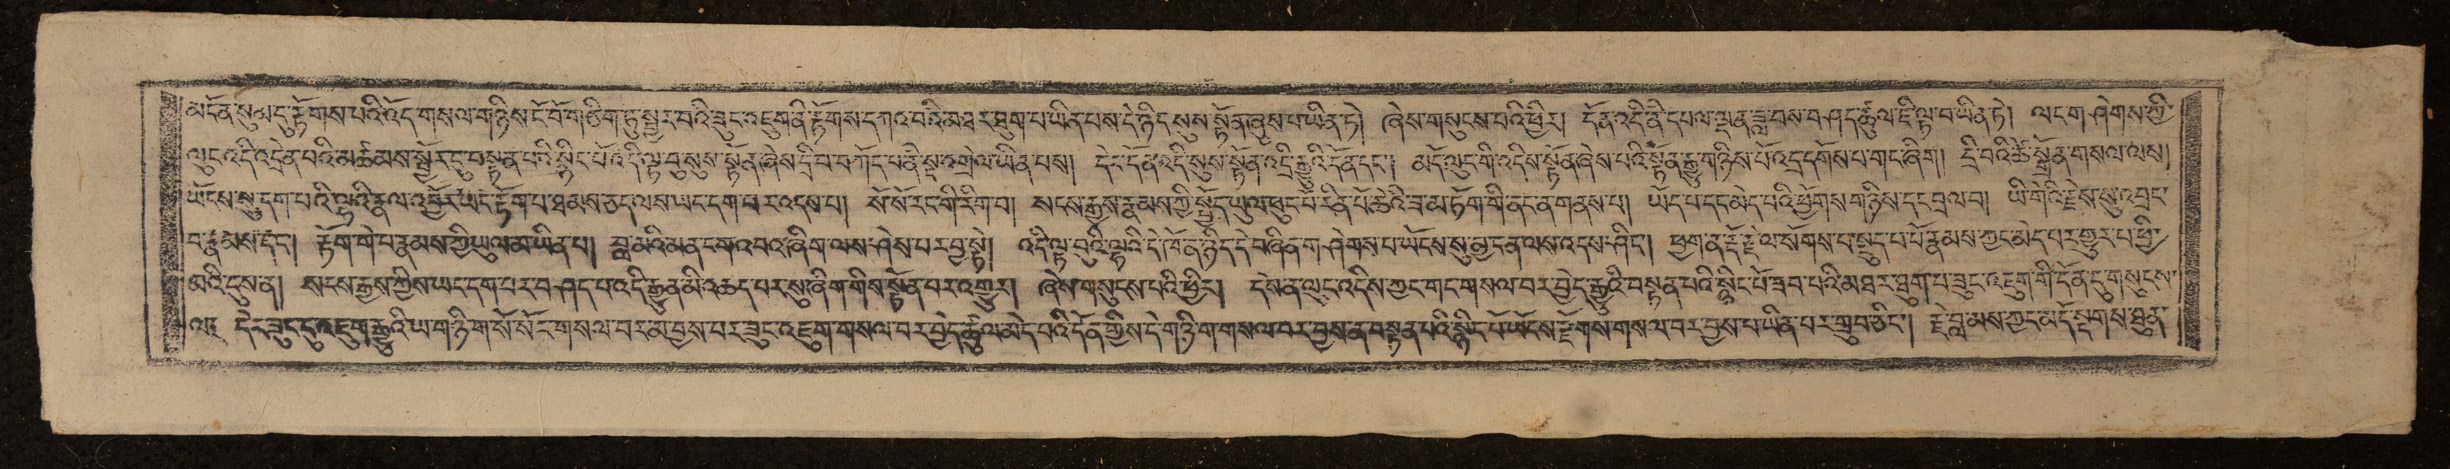མངོན་སུམ་དུ་རྟོགས་པའི་འོད་གསལ་གཉིས་ངོ་བོ་གཅིག་ཏུ་སྦྱར་པའི་ཟུང་འཇུག་ནི་རྟོགས་དཀའ་བའི་མཐར་ཐུག་པ་ཡིན་བས་དེ་ཉིད་སུས་སྟོན་ཞུས་པ་ཡིན་ཏེ། ཞེས་གསུངས་པའི་ཕྱིར། དོན་འདི་ནི་དཔལ་ལྡན་ཟླ་བས་བཤད་ཚུལ་ཇི་ལྟ་བ་ཡིན་ཏེ། ལང་གཤེགས་ཀྱི་
ལུང་འདི་འདྲེན་པའི་མཚམས་སྦྱོར་དུ་བསྟན་པའི་སྙིང་པོ་འདི་ལྟ་བུ་སུས་སྟོན་ཞེས་དྲི་བ་བཀོད་པ་ནི་སྔ་འགྲེལ་ཡིན་པས། དེར་དོན་འདི་སུས་སྟོན་འདྲི་རྒྱུའི་དོན་དང་། མདོ་ལུང་གི་འདིས་སྟོན་ཞེས་པའི་སྟོན་རྒྱུ་གཉིས་པོ་འདྲ་དགོས་པ་གང་ཞིག། དྲི་བའི་ཚེ་སྒྲོན་གསལ་ལས།
ཡོངས་སུ་དག་པའི་ལྷའི་རྣལ་འབྱོར་ཡང་རྟོག་བ་ཐམས་ཅད་ལས་ཡང་དག་པར་འདས་པ། སོ་སོ་རང་གི་རིག་པ། སངས་རྒྱས་རྣམས་ཀྱི་སྤྱོད་ཡུལ་ཕུང་པོ་རིན་པོ་ཆེའི་ཟ་མ་ཏོག་གི་ནང་ན་གནས་པ། ཡོད་པ་དང་མེད་པའི་ཕྱོགས་གཉིས་དང་བྲལ་བ། ཡི་གེའི་རྗེས་སུ་འབྲང་
བ་རྣམས་དང་། རྟོག་གེ་པ་རྣམས་ཀྱི་ཡུལ་མ་ཡིན་པ། བླ་མའི་མན་ངག་འབའ་ཞིག་ལས་ཤེས་པར་བྱ་སྟེ། འདི་ལྟ་བུའི་ལྷའི་དེ་ཁོ་ན་ཉིད་དེ་བཞིན་གཤེགས་པ་ཡོངས་སུ་མྱ་ངན་ལས་འདས་བསྟན་མཐའ་དས་གདན་གཅིག་ཏུ་
པ་སྡུད་པ་པོ་རྣམས་ཀྱང་མེད་པར་གྱུར་པ་ཕྨ་མའི་དུས་ན། སངས་རྒྱས་ཀྱིས་ཡང་དག་བར་བཤད་པ་འདི་རྒྱུན་མི་འཆད་པར་སུ་ཞིག་གིས་སྟོན་པར་འགྱུར། ཞེས་གསུངས་པའི་ཕྱིར། དེས་ན་ལུང་འདིས་ཀྱང་གང་གསལ་བར་བྱེད་རྒྱུའི་བསྟན་བའི་སྙིང་པོ་ཟབ་བའི་མཐར་ཐུག་བཟུང་འཇུག་གི་དོན་དུ་གསུངས་
ལ༑ ༑དེར་ཟུང་དུ་འཇུག་རྒྱུའི་མ་གཉི་ག་སོ་སོར་གསལ་བར་མ་བྱས་བར་ཟུང་འཇུག་གསལ་བར་བྱེད་ཚུལ་མེད་པའི་དོན་དོན་གྱིས་དེ་གཉི་ག་གསལ་བར་བྱས་ན་བསྟན་པའི་སྙིང་པོ་ཡོངས་རྫོགས་གསལ་པར་བྱས་པ་མིན་པར་གྲུབ་ཅིང་། རྗེ་བླ་མས་ཀྱང་མདོ་སྔགས་ཐུན་